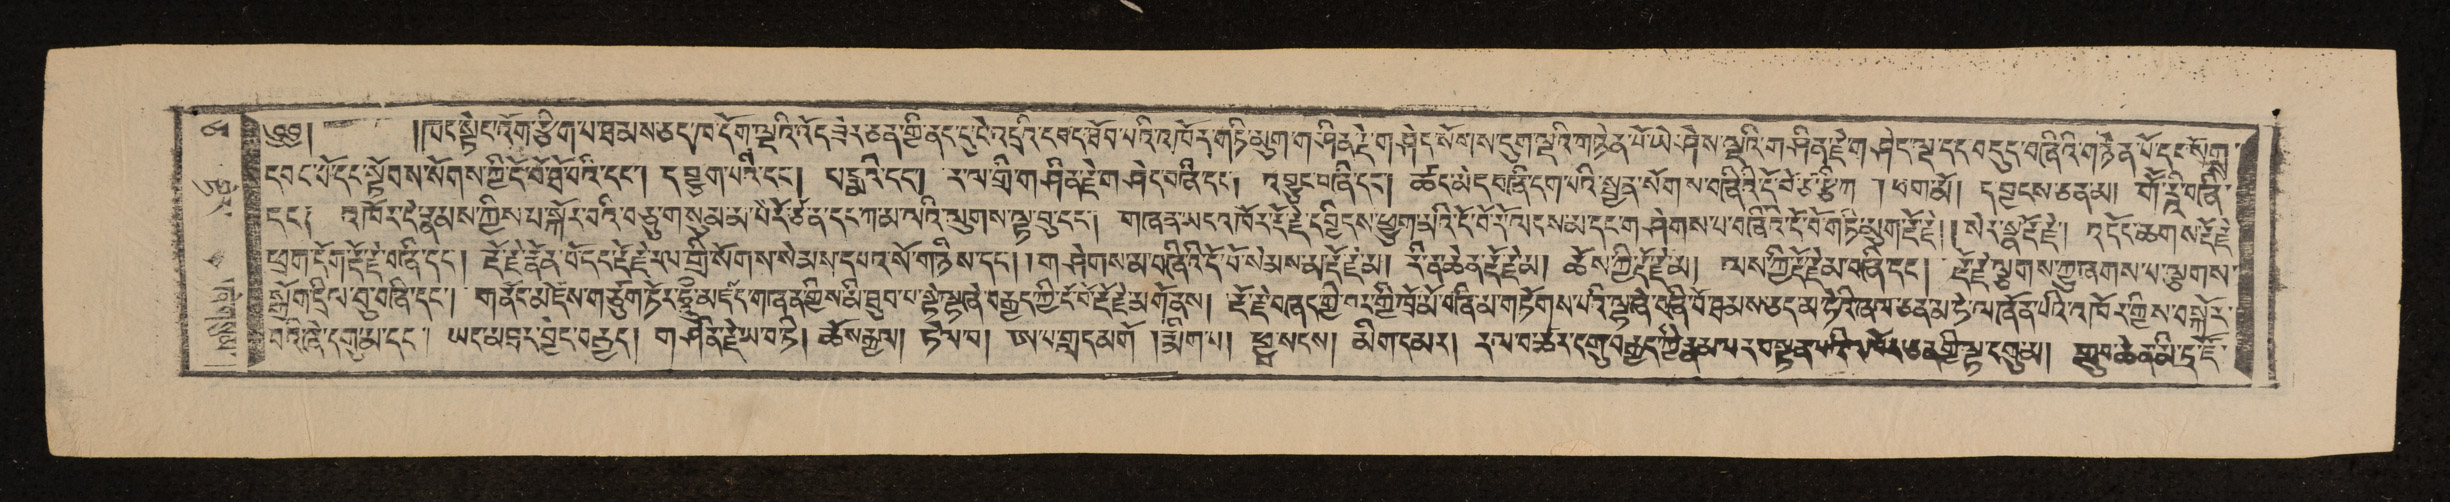༄༅། །ཁང་སྟེང་འོག་རྩིག་པ་ཐམས་ཅད་ཁ་དོག་ལྔའི་འོད་ཟེར་ཅན་གྱི་ནང་དུ་དེ་འདྲའི་དབང་ཐོབ་པའི་འཁོར་གཏི་མུག་གཤིན་རྗེ་གཤེད་སོགས་དུག་ལྔའི་གཉེན་པོ་ཡེ་ཤེས་ལྔའི་གཤིན་རྗེ་གཤེད་ལྔ་དང་བདུད་བཞིའི་གཉེན་པོ་དང་སོགས་
དབང་པོ་དང་སྟོབས་སོགས་ཀྱི་ངོ་པོ་ཐོ་བའི་དང་། དབྱུག་པའི་དང་། པདམའི་དང་། རལ་གྲི་གཤིན་རྗེ་གཤེད་བཞི་དང་། འབྱུང་བཞི་དང་། ཚད་མེད་བཞི་དག་པའི་སྤྱན་སོགས་བཞིའི་ངོ་བོ་རྩ་རྩིས། །ཕག་མོ། དབྱངས་ཅན་མ། གཽ་རཱི་བཞི་
དང༑ འཁོར་དེ་རྣམས་ཀྱིས་བསྐོར་པའི་བཅུ་གསུམ་མ་བཻ་རོ་ཙན་དང་ཀ་མ་ལའི་ལུགས་ལྟ་བུ་དང་། གཞན་ཡང་འཁོར་རྡོ་རྗེ་དབྱིངས་ཕྱུག་མའི་ངོ་བོ་ར་ལངས་མ་དང་གཤེགས་པ་བཞིའི་ངོ་བོ་གཏི་མུག་རྡོ་རྗེ། སེར་སྣ་རྡོ་རྗེ། འདོད་ཆགས་རྡོ་རྗེ་
ཕྲག་དོག་རྡོ་རྗེ་བཞི་དང་། རྡོ་རྗེ་རྣོན་པོ་དང་རྡོ་རྗེ་རལ་གྲི་སོགས་སེམས་དཔའ་སོ་གཉིས་དང་། གཤེགས་མ་བཞིའི་ངོ་བོ་སེམས་མ་རྡོ་རྗེ་མ། རིན་ཆེན་རྡོ་རྗེ་མ། ཆོས་ཀྱི་རྡོ་རྗེ་མ། ལས་ཀྱི་རྡོ་རྗེ་མ་བཞི་དང་། རྡོ་རྗེ་ལྕགས་ཀྱུ་ཞགས་པ་ལྕགས་
སྒྲོག་དྲི་ལ་བུ་བཞི་དང་། གནོད་མཛེས་གཙུག་ཏོར་ཏཱུཾ་མཛད་གཞན་གྱིས་མི་ཐུབ་པ་སྟེ་ལྷ་ཞེ་བརྒྱད་ཀྱི་ངོ་བོ་རྡོ་རྗེ་མགོ་ནས། རྡོ་རྗེ་བཞད་ཀྱི་བར་གྱི་ཁྲོ་མོ་བཞི་མ་གཏོགས་པའི་ལྷ་ཞེ་བཞི་པོ་ཐམས་ཅད་མ་ཧེའི་ཞལ་ཅན་མ་ཧེ་ལ་ཞོན་པའི་འཁོར་གྱིས་བསྐོར་
པའི་ཞེ་དགུ་མ་དང་། ཡང་མཐར་བྱེད་བརྒྱད། གཤིན་རྗེ་ཡབ་ཏི། ཆོས་རྒྱལ། ཏེལ་བ། ཨ་བ་གླང་མགོ །རྨིག་པ། ཕྱཱ་སངས། མིག་དམར། རལ་བ་ཚར་དགུ་བརྒྱད་ཀྱི་རྣམ་པར་བསྟན་པའི་འཁོར་ཅན་གྱི་ལྷ་དགུ་མ། གྲུབ་ཆེན་མི་ཏྲ་ཛོ་